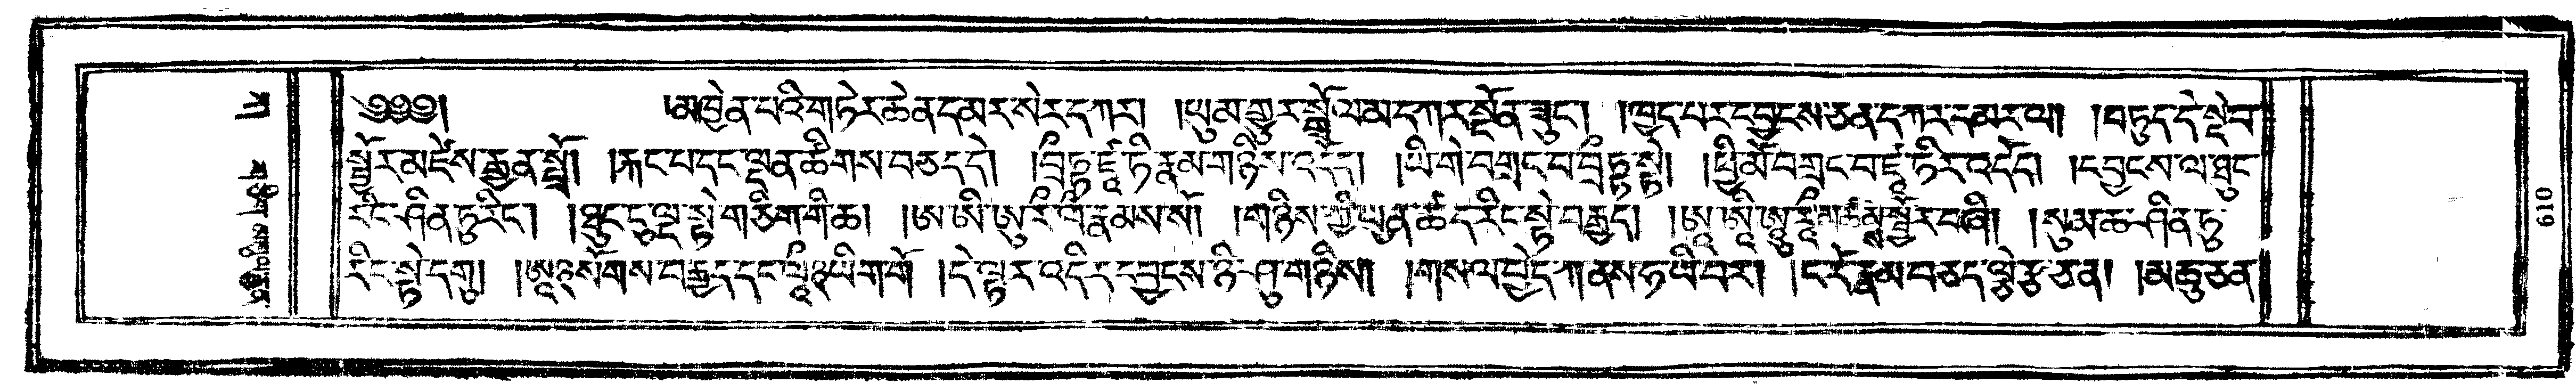༄༅༅། །མཁྱེན་པའི་གཏེར་ཆེན་དམར་སེར་དཀར། །ཡུམ་གྱུར་སྒྲོལ་མ་དཀར་སྔོན་ཟུང་། །ཁྱད་པར་དབྱངས་ཅན་དཀར་དམར་ལ། །བཏུད་དེ་སྡེབ་
སྦྱོར་མཛེས་རྒྱན་སྤྲོ། །རྐང་པ་དང་ལྡན་ཚིགས་བཅད་དེ། །བྲྀཏྟ་ཛཱ་ཏི་རྣམ་གཉིས་འདོད། །ཡི་གེ་བགྲང་བ་བྲྀཏྟ་སྟེ། །ཕྱི་མོ་བགྲང་བཛཱ་ཏིར་འདོད། །དབྱངས་ལ་ཐུང་
རིང་ཤིན་ཏུ་རིང་། །ཐུང་དུ་ལྡ་སྟེ་གཅིག་གི་ཆ། །ཨ་ཨི་ཨུ་རྀ་ལྀ་རྣམས་སོ། །གཉིས་ཀྱི་ཡུན་ཚད་རིང་སྟེ་བརྒྱད། །ཨཱ་ཨཱི་ཨཱུ་རཱྀ་མཚམས་སྦྱོར་བཞི། །སུམ་ཆ་ཤིན་ཏུ་
རིང་སྟེ་དགུ། །ཨཱ་ཉྲ་སོགས་བརྒྱད་དང་ལཱྀ་ཉྲ་ཡིག་གོ །དེ་ལྟར་འདིར་དབྱངས་ཉི་ཤུ་གཉིས། །གསལ་བྱེད་ཀ་ནས་ཧ་ཡི་བར། །ང་རོ་རྣམ་བཅད་ལྕེ་རྩ་ཅན། །མཆུ་ཅན་